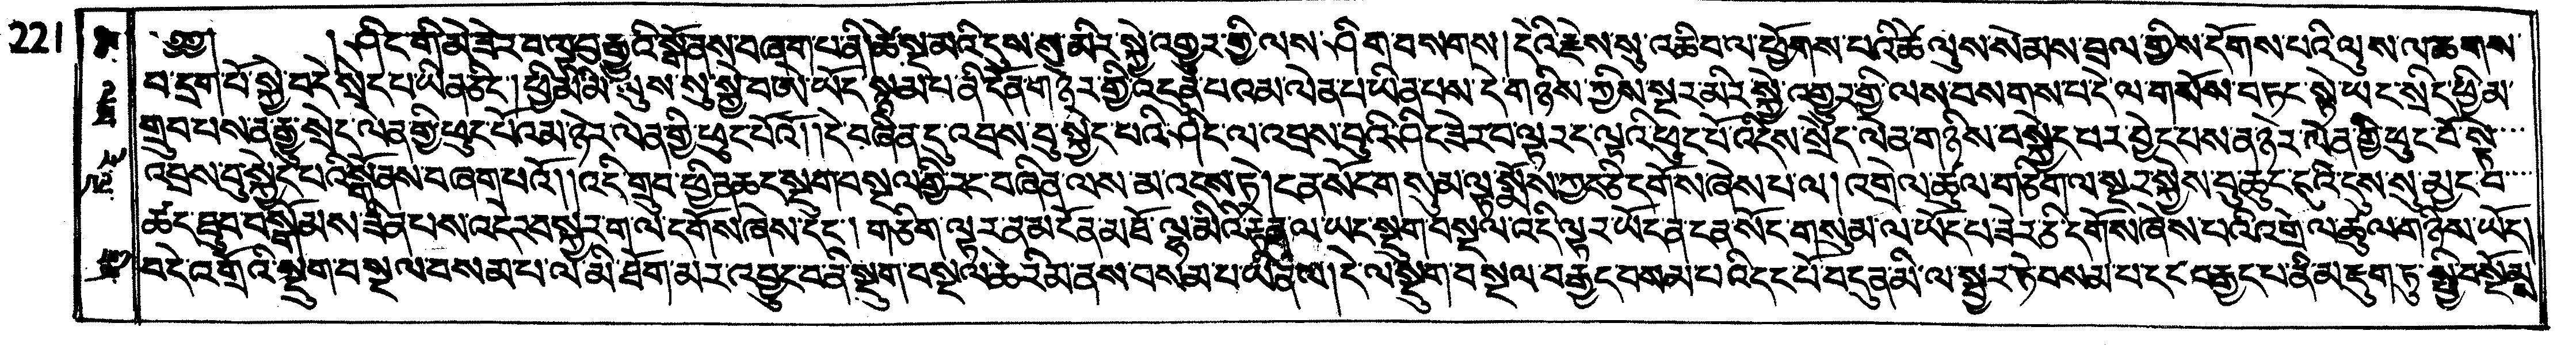༄༅། །ཤིང་གི་མེ་ཟེར་བ་ལྟ་བུ་རྒྱུའི་སྒོ་ནས་བཞག་པ་ནི། ཚེ་སྔ་མའི་དུས་སུ་མིར་སྐྱེ་འགྱུར་གྱི་ལས་ཤིག་བསགས། དེའི་རྗེས་སུ་འཆི་བ་ལ་ཕྱོགས་པའི་ཚེ་ལུས་སེམས་བྲལ་གྱིས་དོགས་པའི་ལུས་ལ་ཆགས་
བ་དྲག་པོ་སྐྱེ་བདེ་སྲེད་པ་ཡིན་ཅིང་། ཕྱི་མ་མི་ལུས་སུ་སྐྱེ་བ་ཨེ་ཡོད་སྙམ་པ་ནི་དོན་གཉེར་གྱི་འདུན་པའམ་ལེན་པ་ཡིན་པས་དེ་གཉིས་ཀྱིས་སྔར་མིར་སྐྱེ་འགྱུར་གྱི་ལས་བསགས་པ་དེ་ལ་གསོས་བཏང་སྟེ་ཡང་སྲིད་ཕྱི་མ་
གྲུབ་པས་ན་རྒྱུ་སྲེད་ལེན་གྱི་ཕུང་པོའམ་ཉེར་ལེན་གྱི་ཕུང་པོའོ། །དེ་བཞིན་དུ་འབྲས་བུ་སྐྱེད་པའི་ཤིང་ལ་འབྲས་བུའི་ཤིང་ཟེར་བ་ལྟར་ད་ལྟའི་ཕུང་པོ་འདིས་སྲེད་ལེན་གཉིས་བསྐྱེད་པར་བྱེད་པས་ན་ཉེར་ལེན་གྱི་ཕུང་པོ་སྟེ་
འབྲས་བུ་སྐྱེད་པའི་སྒོ་ནས་བཞག་པའོ། །འདི་གྲུབ་ཕྱིན་ཆད་སྡུག་བསྔལ་གྱི་རང་བཞིན་ལས་མ་འདས་ཏེ། ངན་སོང་གསུམ་ལྟ་སྨོས་ཀྱང་ཅི་དགོས་ཞེས་པ་ལ། འགྲེལ་ཚུལ་གཅིག་ལ་སྔར་སྐྱེས་བུ་ཆུང་ངུའི་དུས་སུ་མྱང་བ་
ཚད་ཐུབ་བསྒོམས་ཟིན་པས་འདེར་བསྐྱར་ག་ལ་དགོས་ཞེས་དང་། གཅིག་ལྟར་ན་མངོན་མཐོ་ལྷ་མིའི་རྟེན་ལ་ཡང་སྡུག་བསྔལ་འདི་ལྟར་ཡོད་ན་ངན་སོང་གསུམ་ལ་ཡོད་པ་ཟེར་ཅི་དགོས་ཞེས་པའི་འགྲོ་ལ་ཚུལ་གཉིས་ཡོད།
བདེ་འགྲོའི་སྡུག་བསྔལ་བསམ་པ་ལ་མི་ཐོག་མར་འབྱུང་བ་ནི་སྡུག་བསྔལ་ཆེ་རིམ་ནས་བསམ་པ་ཡིན་ལ། དེ་ལ་སྡུག་བསྔལ་བརྒྱད་བསམ་པའི་དང་པོ་བདུན་མི་ལ་སྦྱར་ཏེ་བསམ་པ་དང་བརྒྱད་པ་ནི་མཇུག་ཏུ་སྤྱི་བསྡོམས་